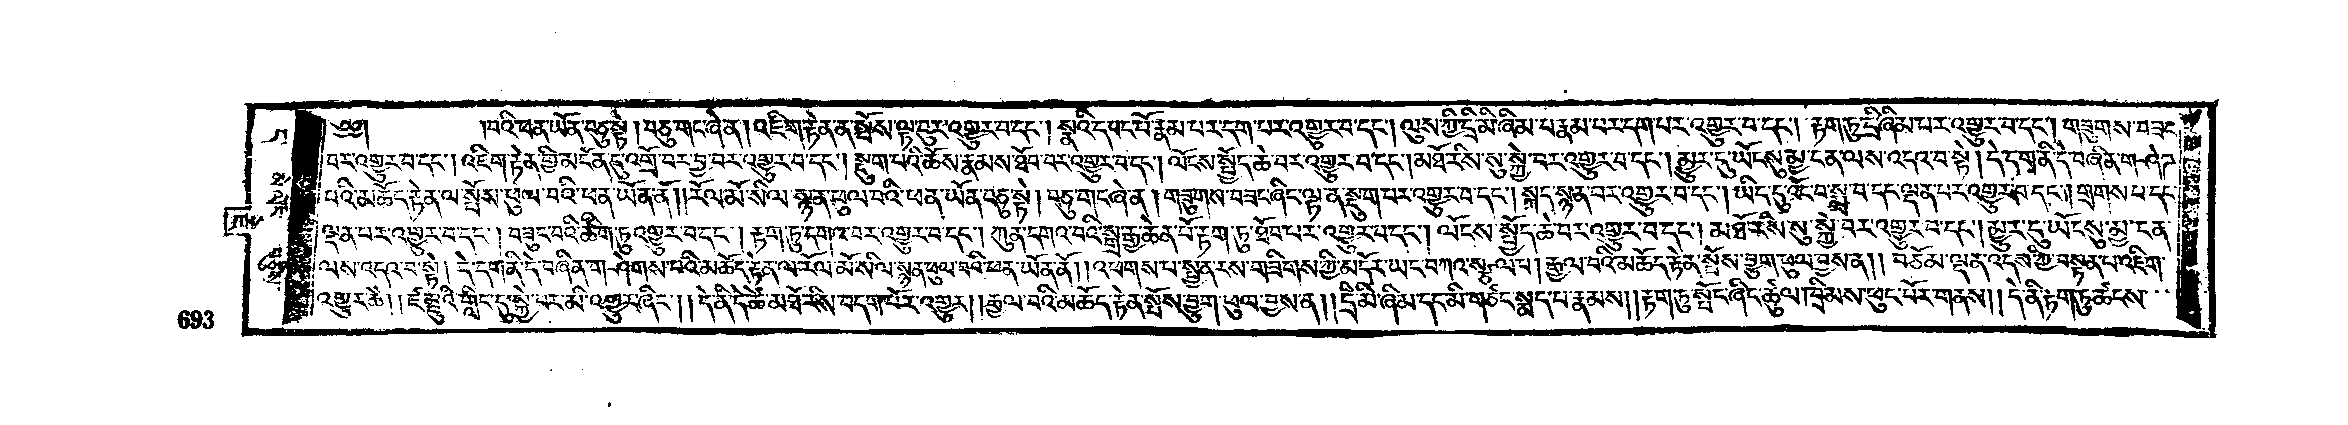༄༅། །བའི་ཕན་ཡོན་བཅུ་སྟེ། བཅུ་གང་ཞེ་ན། འཇིག་རྟེན་ན་སྤོས་ལྟ་བུར་འགྱུར་བ་དང་། སྣའི་དབང་པོ་རྣམ་པར་དག་པར་འགྱུར་བ་དང་། ལུས་ཀྱི་དྲི་མི་ཞིམ་པ་རྣམ་པར་དག་པར་འགྱུར་བ་དང་། རྟག་ཏུ་དྲི་ཞིམ་པར་འགྱུར་བ་དང་། གཟུགས་བཟང་
བར་འགྱུར་བ་དང་། འཇིག་རྟེན་གྱི་མངོན་དུ་འགྲོ་བར་བྱ་བར་འགྱུར་བ་དང་། སྡུག་པའི་ཆོས་རྣམས་ཐོབ་པར་འགྱུར་བ་དང་། ལོངས་སྤྱོད་ཆེ་བར་འགྱུར་བ་དང་། མཐོ་རིས་སུ་སྐྱེ་བར་འགྱུར་བ་དང་། མྱུར་དུ་ཡོངས་སུ་མྱ་ངན་ལས་འདའ་བ་སྟེ། དེ་དག་ནི་དེ་བཞིན་གཤེགས་
པའི་མཆོད་རྟེན་ལ་སྤོས་ཕུལ་བའི་ཕན་ཡོན་ནོ། །རོལ་མོ་སིལ་སྙན་ཕུལ་བའི་ཕན་ཡོན་བཅུ་སྟེ། བཅུ་གང་ཞེ་ན། གཟུགས་བཟང་ཞིང་ལྟ་ན་སྡུག་པར་འགྱུར་བ་དང་། སྐད་སྙན་པར་འགྱུར་བ་དང་། ཡིད་དུ་འོང་བ་སྨྲ་བ་དང་ལྡན་པར་འགྱུར་བ་དང་། གྲགས་པ་དང་
ལྡན་པར་འགྱུར་བ་དང་། བཟུང་བའི་ཚིག་ཏུ་འགྱུར་བ་དང་། རྟག་ཏུ་དགའ་བར་འགྱུར་བ་དང་། ཀུན་དགའ་བའི་སྒྲ་རྒྱ་ཆེན་པོ་རྟག་ཏུ་ཐོབ་པར་འགྱུར་བ་དང་། ལོངས་སྤྱོད་ཆེ་བར་འགྱུར་བ་དང་། མཐོ་རིས་སུ་སྐྱེ་བར་འགྱུར་བ་དང་། མྱུར་དུ་ཡོངས་སུ་མྱ་ངན་
ལས་འདའ་བ་སྟེ། དེ་དག་ནི་དེ་བཞིན་གཤེགས་པའི་མཆོད་རྟེན་ལ་རོལ་མོ་སིལ་སྙན་ཕུལ་བའི་ཕན་ཡོན་ནོ། །འཕགས་པ་སྤྱན་རས་གཟིགས་ཀྱི་མདོར་ཡང་བཀའ་སྩལ་པ། རྒྱལ་བའི་མཆོད་རྟེན་སྤོས་བྱུག་ཕུལ་བྱས་ན། །བཅོམ་ལྡན་འདས་ཀྱི་བསྟན་པ་འཇིག་
འགྱུར་ཚེ། །ཛམྦུའི་གླིང་དུ་སྐྱེ་བར་མི་འགྱུར་ཞིང་། །དེ་ནི་དེ་ཚེ་མཐོ་རིས་བདག་པོར་འགྱུར། །རྒྱལ་བའི་མཆོད་རྟེན་སྤོས་བྱུག་ཕུལ་བྱས་ན། །དྲི་མི་ཞིམ་དང་མི་གཙང་སྨད་པ་རྣམས། །རྟག་ཏུ་སྤོང་ཞིང་ཚུལ་ཁྲིམས་ཕུང་པོར་གནས། །དེ་ནི་རྟག་ཏུ་ཚངས་